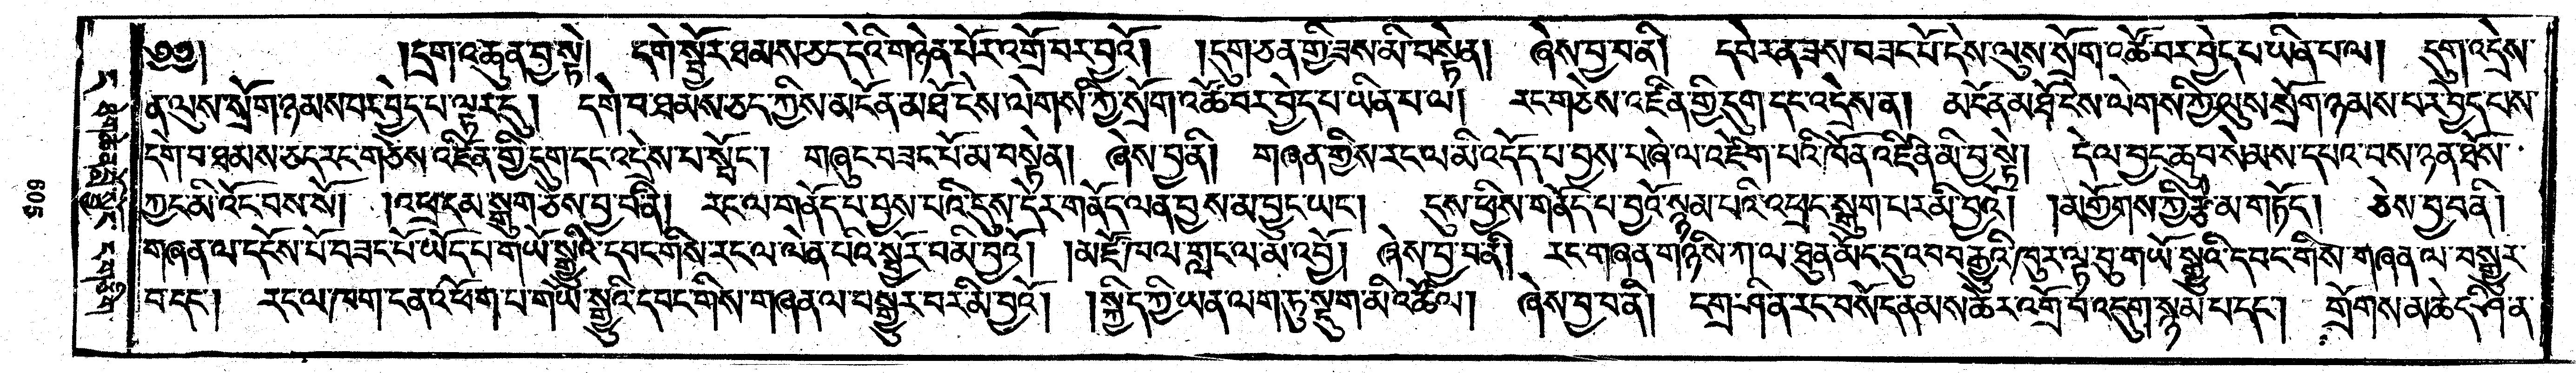༄༅། །དྲག་འཆུན་བྱ་སྟེ། དགེ་སྦྱོར་ཐམས་ཅད་དེའི་གཉེན་པོར་འགྲོ་བར་བྱའོ། །དུག་ཅན་གྱི་ཟས་མི་བསྟེན། ཞེས་བྱ་བ་ནི། དཔེར་ན་ཟས་བཟང་པོ་དེས་ལུས་སྲོག་འཚོ་བར་བྱེད་པ་ཡིན་པ་ལ། དུག་འདྲེས་
ན་ལུས་སྲོག་ཉམས་པར་བྱེད་པ་ལྟར་དུ། དགེ་བ་ཐམས་ཅད་ཀྱིས་མངོན་མཐོ་ངེས་ལེགས་ཀྱི་སྲོག་འཚོ་བར་བྱེད་པ་ཡིན་པ་ལ། རང་གཅེས་འཛིན་གྱི་དུག་དང་འདྲེས་ན། མངོན་མཐོ་ངེས་ལེགས་ཀྱི་ལུས་སྲོག་ཉམས་པར་བྱེད་པས་
དགེ་བ་ཐམས་ཅད་རང་གཅེས་འཛིན་གྱི་དུག་དང་འདྲེས་པ་སྤོང་། གཞུང་བཟང་པོ་མ་བསྟེན། ཞེས་བྱ་ནི། གཞན་གྱིས་རང་ལ་མི་འདོད་པ་བྱས་པ་ཞེ་ལ་འཛེག་པའི་ཁོ་ན་འཛིན་མི་བྱ་སྟེ། དེལ་བྱང་ཆུབ་སེམས་དཔའ་བས་ཉན་ཐོས་
ཀྱང་མི་འོང་བས་སོ། །འཕྲ་དམ་སྒུག་ཅེས་བྱ་བ་ནི། རང་ལ་གནོད་པ་བྱས་པའི་དུས་དེར་གནོད་ལན་བྱས་མ་བྱུང་ཡང་། དུས་ཕྱིས་གནོད་པ་བྱའོ་སྙམ་པའི་འཕྲང་སྒུག་པར་མི་བྱའོ། །མགྱོགས་ཀྱི་རྩེ་མ་གཏོད། ཅེས་བྱ་བ་ནི།
གཞན་ལ་དངོས་པོ་བཟང་པོ་ཡོད་པ་གཡོ་སྒྱུའི་དབང་གིས་རང་ལ་ལེན་པའི་སྦྱོར་བ་མི་བྱའོ། །མཛོ་ཁལ་གླང་ལ་མ་འབྱོ། ཞེས་བྱ་བ་ནི། རང་གཞན་གཉིས་ཀ་ལ་ཐུན་མོང་དུ་འབབ་རྒྱུའི་ཁུར་ལྟ་བུ་གཡོ་སྒྱུའི་དབང་གིས་གཞན་ལ་བསྒྱུར་
བ་དང་། རང་ལ་ཁག་ངན་འཕོག་པ་གཡོ་སྒྱུའི་དབང་གིས་གཞན་ལ་བསྒྱུར་བར་མི་བྱའོ། །སྐྱིད་ཀྱི་ཡན་ལག་ཏུ་སྡུག་མི་འཚོལ། ཞེས་བྱ་བ་ནི། དགྲ་ཤིན་རང་བསོད་ནམས་ཆེར་འགྲོ་བ་འདུག་སྙམ་པ་དང་། གྲོགས་མཆེད་ཤི་ན་